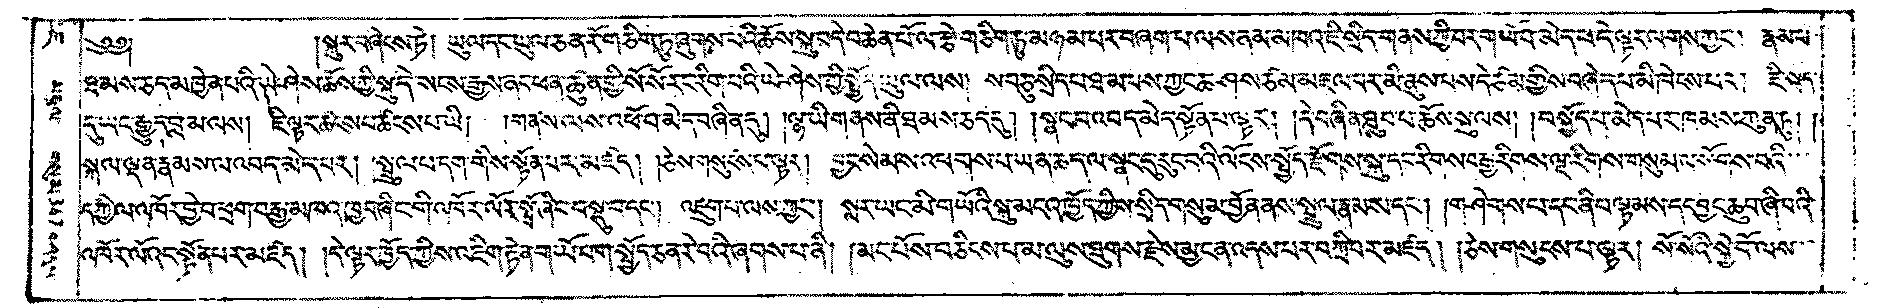༄༅། །སྐུར་བཞེངས་ཏེ། ཡུལ་དང་ཡུལ་ཅན་རོ་གཅིག་ཏུ་ཞུགས་པའི་ཆོས་སྐུ་བདེ་བ་ཆེན་པོ་ལ་རྩེ་གཅིག་ཏུ་མཉམ་པར་བཞག་པ་ལས་ནམ་མཁའ་ཇི་སྲིད་གནས་ཀྱི་བར་གཡོ་བ་མེད་པ་དེ་ལྟར་ལགས་ཀྱང་། རྣམ་པ་
ཐམས་ཅད་མཁྱེན་པའི་ཡེ་ཤེས་ཆོས་ཀྱི་སྐུ་དེ་སངས་རྒྱས་ནང་ཕན་ཚུན་གྱི་སོ་སོ་རང་རིག་པའི་ཡེ་ཤེས་ཀྱི་སྤྱོད་ཡུལ་ལས། ས་བཅུ་སྲིད་པ་ཐ་མ་པས་ཀྱང་ཆ་ཤས་ཙམ་མཇལ་བར་མི་ནུས་པས་དེ་ཙམ་གྱིས་བཞེད་པ་མི་ཁེངས་པར། ཇི་སྐད་
དུ་ཡང་རྒྱུད་བླ་མ་ལས། ཇི་ལྟར་ཚངས་པ་ཚངས་པ་ཡི། །གནས་ལས་འཕོ་བ་མེད་བཞིན་དུ། །ལྷ་ཡི་གནས་ནི་ཐམས་ཅད་དུ། །སྣང་བ་འབད་མེད་སྟོན་པ་ལྟར། །དེ་བཞིན་ཐུབ་པ་ཆོས་སྐུ་ལས། །བསྐྱོད་པ་མེད་པར་ཁམས་ཀུན་ཏུ། །
སྐལ་ལྡན་རྣམས་ལ་འབད་མེད་པར། །སྤྲུལ་པ་དག་གིས་སྟོན་པར་མཛད། །ཅེས་གསུངས་པ་ལྟར། བྱང་སེམས་འཕགས་པ་ཡན་ཆད་ལ་སྣང་དུ་རུང་བའི་ལོངས་སྤྱོད་རྫོགས་སྐུ་དང་རིགས་བརྒྱ་རིགས་ལྔ་རིགས་གསུམ་ལ་སོགས་པའི་
དཀྱིལ་འཁོར་བྱེ་བ་ཕྲག་བརྒྱ་མཁའ་ཁྱབ་ཞིང་གི་འཁོར་ལོར་སྤྲོ་ཞིང་བསྡུ་བ་དང་། འཇུག་པ་ལས་ཀྱང་། སླར་ཡང་མི་གཡོའི་སྐུ་མངའ་ཁྱོད་ཀྱིས་སྲིད་གསུམ་བྱོན་ནས་སྤྲུལ་རྣམས་དང་། །གཤེགས་པ་དང་ནི་བལྟམས་དང་བྱང་ཆུབ་ཞི་བའི་
འཁོར་ལོའང་སྟོན་པར་མཛད། །དེ་ལྟར་ཁྱོད་ཀྱིས་འཇིག་རྟེན་གཡོ་བག་སྤྱོད་ཅན་རེ་བའི་ཞགས་པ་ནི། །མང་པོས་བཅིངས་པ་མ་ལུས་ཐུགས་རྗེས་མྱ་ངན་འདས་པར་བཀྲི་བར་མཛད། །ཅེས་གསུངས་པ་ལྟར། སོ་སོའི་སྐྱེ་བོ་ལས་